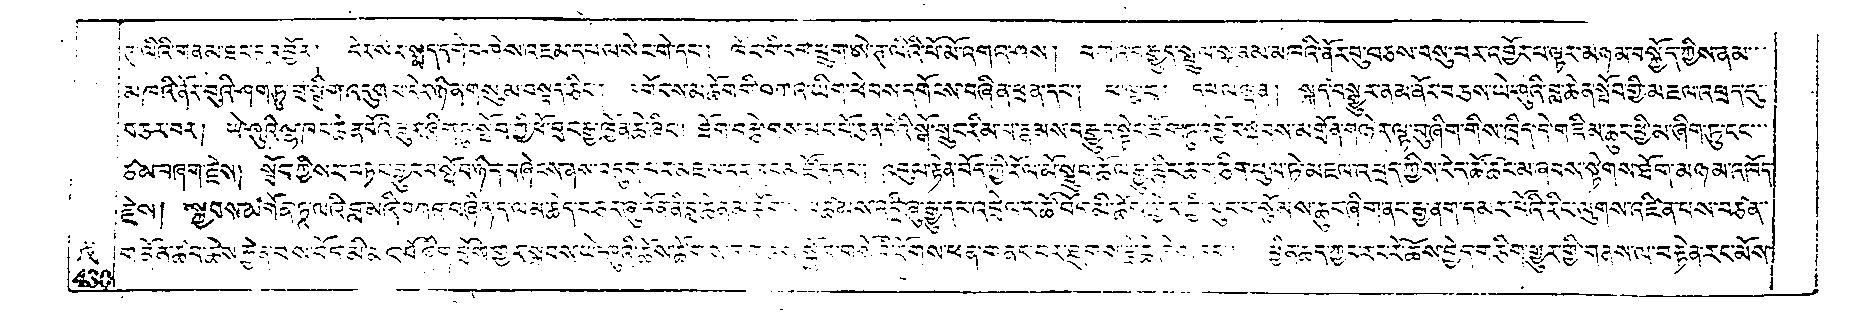ཊ་ལིའི་གནམ་ཐང་དུ་འབྱོར། དེར་སེར་སྨད་དགེ་བཤེས་འཇམ་དཔལ་སེང་གེ་དང་། ཁོང་གི་དགེ་ཕྲུག་ཨེ་ཊ་ལིའི་ཕོ་མོ་འགའ་ཤས། བཀའ་བརྒྱུད་སྤྲུལ་སྐུ་ནམ་མཁའི་ནོར་བུ་བཅས་བསུ་བར་འབྱོར་པ་ལྟར་མཉམ་བསྐྱོད་ཀྱིས་ནམ་
མཁའི་ནོར་བུའི་ཤག་ཏུ་གྲ་སྒྲིག་འདུག་པ་དེར་ཉིན་གསུམ་བསྡད་ཅིང་། ༧གོང་ས་མཆོག་གི་བཀའ་ཡིག་ཕེབས་དགོངས་བཞིན་ཕྲན་དང་། ཕ་ལྷ་བ། དཔལ་ལྡན། སྐད་བསྒྱུར་ནམ་ནོར་བཅས་ཡེ་ཤུའི་བླ་ཆེན་སྤོབ་ཀྱི་མཇལ་འཕྲད་དུ་
བཅར་བར། ཡེ་ཤུའི་ལྷ་ཁང་ཆེན་པོའི་ཟུར་ཞིག་ཏུ་སྤོབ་ཀྱི་ཕོ་བྲང་རྒྱ་ཁྱོན་ཆེ་ཞིང་། ཐོག་བརྩེགས་མང་པོ་ཅན་དེའི་སྒོ་སྲུང་རིམ་པ་རྣམས་བརྒྱུད་སྟེང་ཐོག་ཏུ་འབྱོར་སྐབས་མགྲོན་གཉེར་ལྟ་བུ་ཞིག་གིས་ཁྲིད་དེ་གཟིམ་ཆུང་ཕྱི་མ་ཞིག་ཏུ་ངང་
ཙམ་བཞག་རྗེས། སྤོབ་ཀྱི་སར་བཏང་བྱུང་བ་སྤོབ་ཉིད་བཞེངས་ནས་འདུག་པར་མཇལ་དར་ནང་མཛོད་དང་། འབུལ་རྟེན་བོད་ཀྱི་རོལ་མོ་སྦུབ་ཆོལ་རྒྱུ་རྙིང་ཆ་གཅིག་ཕུལ་ཏེ་མཇལ་འཕྲད་ཀྱིས་ངེད་ཚོ་ཚང་མ་ཞབས་སྟེགས་ཐོག་མཉམ་འཁོད་
རྗེས། ༧སྐྱབས་མགོན་ཏཱ་ལའི་བཀའ་བཞིན་ད་ལམ་ཆེད་བཅར་ཞུ་དོན་ནི་བླ་ཆེན་མཆོག་ལ་མཚམས་འདྲི་ཞུ་རྒྱུ་དང་འབྲེལ་ང་ཚོ་བོད་མི་ཆོས་བྱེད་ཀྱི་ལུང་པ་སྙོམགས་ཆུང་ཞིག་ནང་རྒྱ་ནག་དམར་པོའི་རིང་ལུགས་འདིཟན་པས་བཙན་
གནོན་ཚབ་ཆེས་རྐྱེན་པས་བོད་མི་མང་པོ་ཞིག་བྲོས་གྱུར་སྐབས་ཡེ་ཤུའི་ཆོས་ཚོགས་ཁག་ནས་སྐྱོབ་གསོའི་རོགས་ཕན་གནང་བར་ཐུགས་རྗེ་ཆེ་ཞེས་དང་། ཕྱིན་ཆད་ཀྱང་རང་རེ་ཆོས་བྱེད་གཅིག་གྱུར་གྱི་གནས་ལ་བརྟེན་རང་མོས་